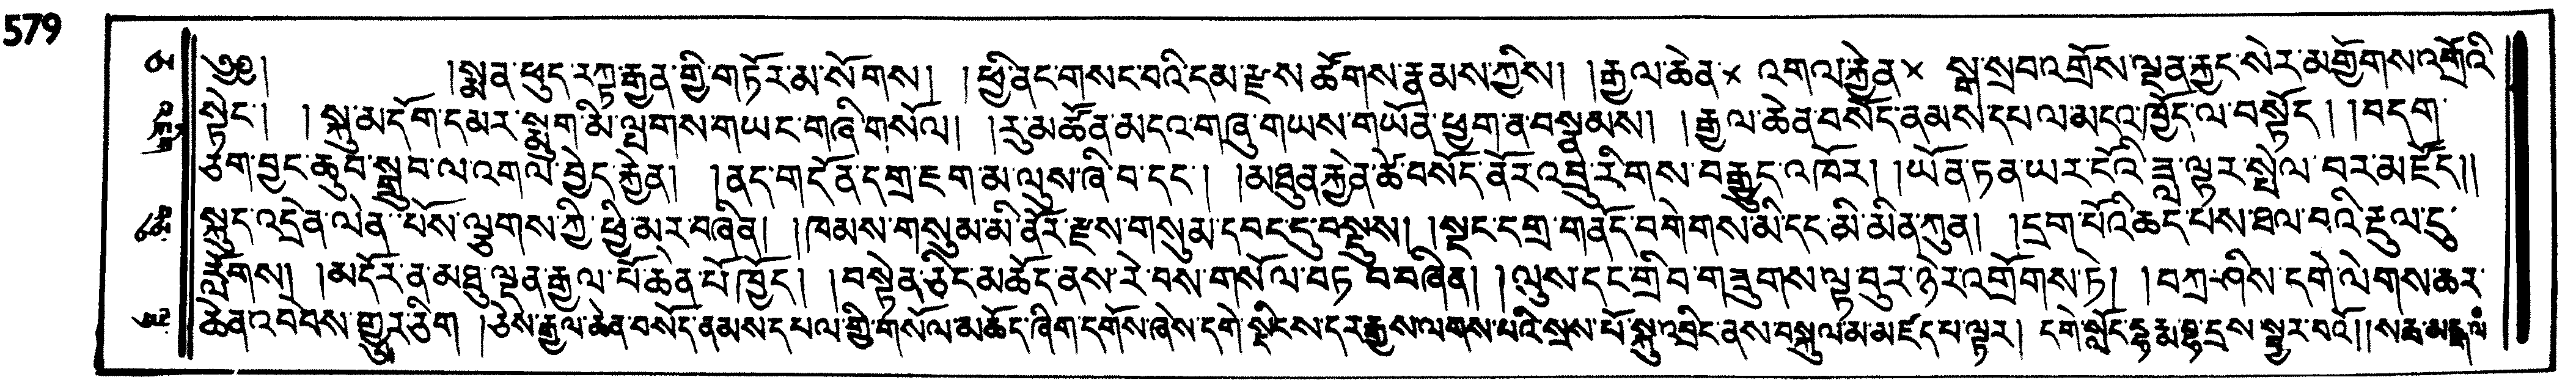༄༅། །སྨན་ཕུད་རཀྟ་རྒྱན་གྱི་གཏོར་མ་སོགས། །ཕྱི་ནང་གསང་བའི་དམ་རྫས་ཚོགས་རྣམས་ཀྱིས། །རྒྱལ་ཆེན་྾་འགལ་རྐྱེན་྾་སྒ་སྲབ་འགྲོས་ལྡན་རྐྱང་སེར་མགྱོགས་འགྲོའི་
སྟེང་། །སྐུ་མདོག་དམར་སྨུག་མི་ལྤགས་གཡང་གཞི་གསོལ། །རུ་མཚོན་མངའ་གཞུ་གཡས་གཡོན་ཕྱག་ན་བསྣམས། །རྒྱལ་ཆེན་བསོད་ནམས་དཔལ་མངའ་ཁྱོད་ལ་བསྟོད། །བདག་
ཅག་བྱང་ཆུབ་སྒྲུབ་ལ་འགལ་བྱེད་རྐྱེན། །ནད་གདོན་དགྲ་ཇག་མ་ལུས་ཞི་བ་དང་། །མཐུན་རྐྱེན་ཚེ་བསོད་ནོར་འབྲུ་རིགས་བརྒྱུད་འཁོར། །ཡོན་ཏན་ཡར་ངོའི་ཟླ་ལྟར་སྤེལ་བར་མཛོད། །
སྐུད་འདྲེན་ལེན་་་པོས་ལྕགས་ཀྱི་ཕྱི་མར་བཞིན། །ཁམས་གསུམ་མི་ནོར་རྫས་གསུམ་དབང་དུ་བསྡུས། །སྡང་དགྲ་གནོད་བགེགས་མི་དང་མི་མིན་ཀུན། །དྲག་པོའི་ཆད་པས་ཐལ་བའི་རྡུལ་དུ་
རློགས། །མདོར་ན་མཐུ་ལྡན་རྒྱལ་པོ་ཆེན་པོ་ཁྱོད། །བསྟེན་ཅིང་མཆོད་ནས་རེ་བས་གསོལ་བཏབ་བཞིན། །ལུས་དང་གྲིབ་གཟུགས་ལྟ་བུར་ཉེར་འགྲོགས་ཏེ། །བཀྲ་ཤིས་དགེ་ལེགས་ཆར་
ཆེན་འབེབས་གྱུར་ཅིག །ཅེས་རྒྱལ་ཆེན་བསོད་ནམས་དཔལ་གྱི་གསོལ་མཆོད་ཞིག་དགོས་ཞེས་དགེ་སྡིངས་དར་རྒྱས་ལགས་པའི་སྲས་པོ་སྐུ་འབྲིང་ནས་བསྐུལ་མ་མཛད་པ་ལྟར། དགེ་སློང་དྷརྨ་བྷ་དྲས་སྦྱར་བའོ། །སརྦ་མངྒ་ལཾ་